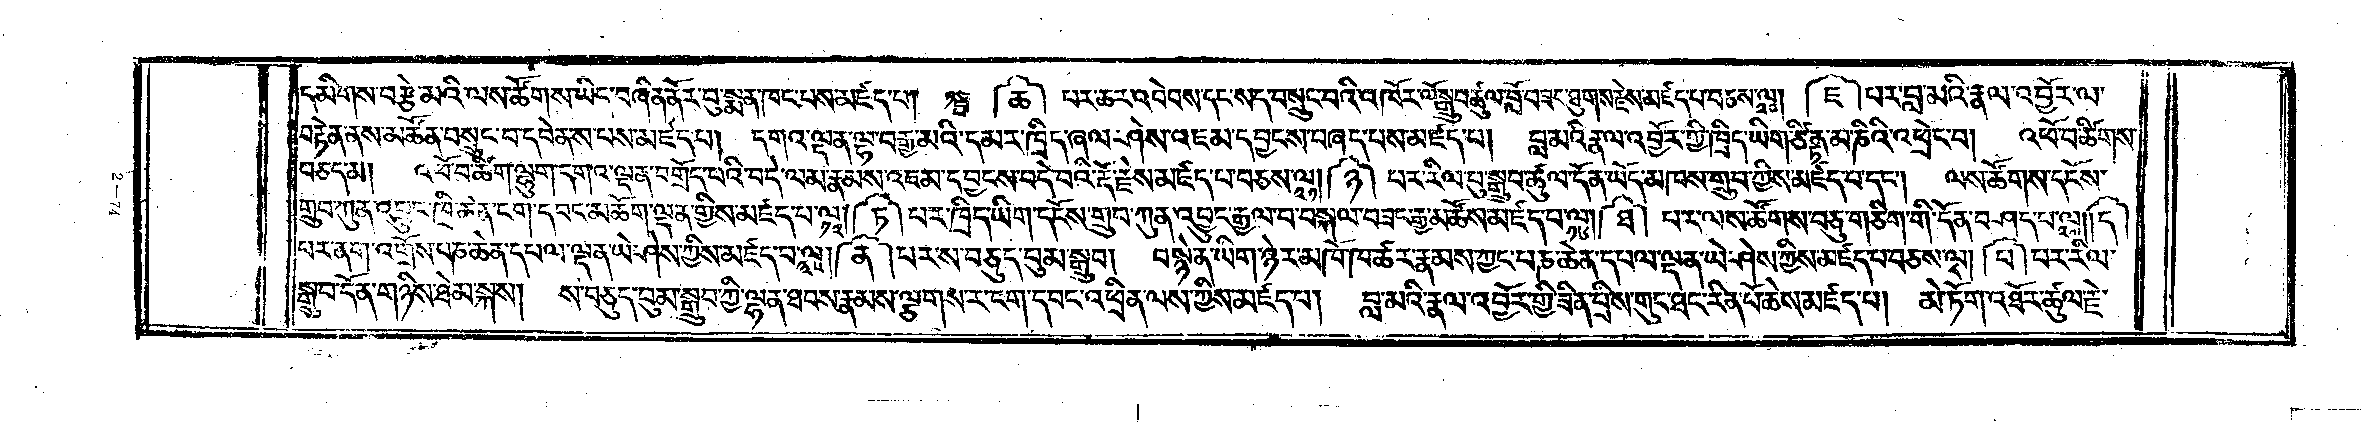དམིགས་བརྩེ་མའི་ལས་ཚོགས་ཡིད་བཞིན་ནོར་བུ་སྨན་ཁང་པས་མཛད་པ། ༡༤བ༥ ༼ཆ༽ པར་ཆར་འབེབས་དང་སད་བསྲུང་བའི་འཁོར་ལོ་སྒྲུབ་ཚུལ་བློ་བཟང་ཐུགས་རྗེས་མཛད་པ་བཅས་ལ། ༼ཇ༽ པར་བླ་མའི་རྣལ་འབྱོར་ལ་
བརྟེན་ནས་མཚོན་བསྲུང་བ་དབེན་ས་པས་མཛད་པ། དགའ་ལྡན་ལྷ་བརྒྱ་མའི་དམར་ཁྲིད་ཞལ་ཤེས་འཇམ་དབྱངས་བཞད་པས་མཛད་པ། བླ་མའི་རྣལ་འབྱོར་གྱི་ཁྲིད་ཡིག་ཙིནྟ་མ་ཎིའི་འཕྲེང་བ། འཕོ་བ་ཚིགས་
བཅད་མ། འཕོ་བ་ཚིག་ལྷུག་དགའ་ལྡན་བགྲོད་པའི་བདེ་ལམ་རྣམས་འཇམ་དབྱངས་བདེ་བའི་རྡོ་རྗེས་མཛད་པ་བཅས་ལ། ༼ཉ༽ པར་རིལ་བུ་སྒྲུབ་ཚུལ་དོན་ཡོད་མཁས་གྲུབ་ཀྱིས་མཛད་པ་དང་། ལས་ཚོགས་དངོས་
གྲུབ་ཀུན་འབྱུང་ཁྲི་ཆེན་ངག་དབང་མཆོག་ལྡན་གྱིས་མཛད་པ་ལ། ༼ཏ༽ པར་ཁྲིད་ཡིག་དངོས་གྲུབ་ཀུན་འབྱུང་རྒྱལ་བ་བསྐལ་བཟང་རྒྱ་མཚོས་མཛད་པ་ལ། ༼ཐ༽ པར་ལས་ཚོགས་བཅུ་གཅིག་གི་དོན་བཤད་པ་ལ། ༼ད༽
པར་ནག་འགྲོས་པཎ་ཆེན་དཔལ་ལྡན་ཡེ་ཤེས་ཀྱིས་མཛད་པ་ལ། ༼ན༽ པར་ས་བཅུད་བུམ་སྒྲུབ། བསྙེན་ཡིག་ཉེར་མཁོ་ཁ་ཚར་རྣམས་ཀྱང་པཎ་ཆེན་དཔལ་ལྡན་ཡེ་ཤེས་ཀྱིས་མཛད་པ་བཅས་ལ། ༼པ༽ པར་རིལ་
སྒྲུབ་དོན་གཉིས་ཐེམ་སྐས། ས་བཅུད་བུམ་སྒྲུབ་ཀྱི་ལྷན་ཐབས་རྣམས་ལྕགས་ར་ངག་དབང་འཕྲིན་ལས་ཀྱིས་མཛད་པ། བླ་མའི་རྣལ་འབྱོར་གྱི་ཟིན་བྲིས་གུང་ཐང་རིན་པོ་ཆེས་མཛད་པ། མེ་ཏོག་འཐོར་ཚུལ་རྗེ་